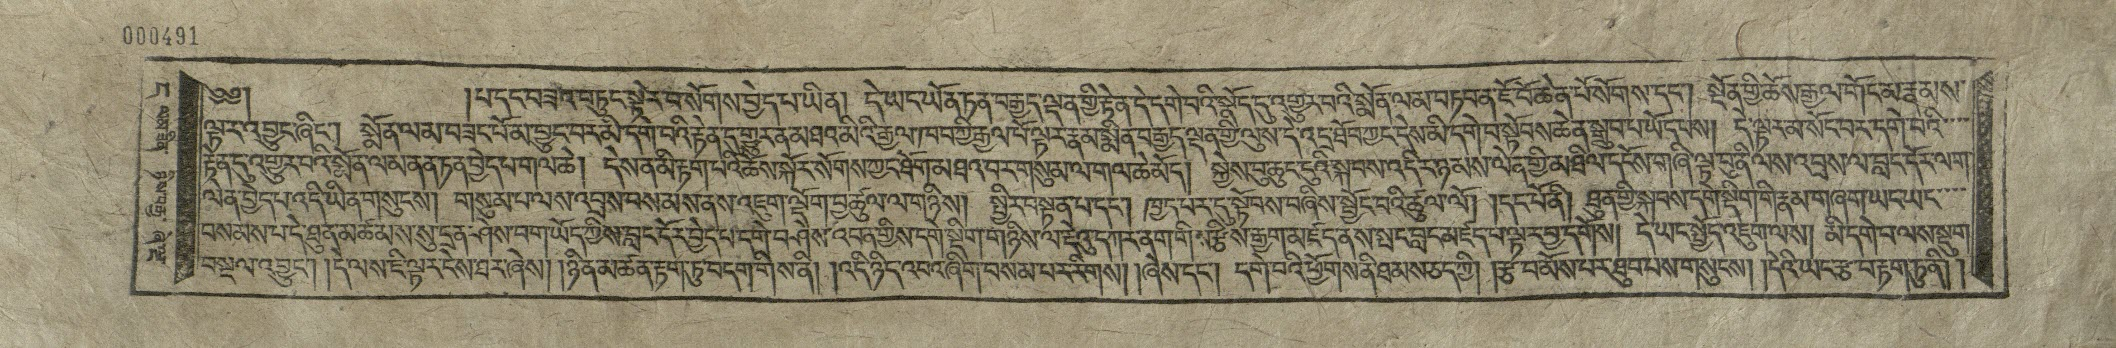༄༅། །པ་དང་བཟའ་བཏུང་སྟེར་བ་སོགས་བྱེད་པ་ཡིན། དེ་ཡང་ཡོན་ཏན་བརྒྱད་ལྡན་གྱི་རྟེན་དེ་དགེ་བའི་སྣོད་དུ་འགྱུར་བའི་སྨོན་ལམ་བཏབ་ན་ཇོ་བོ་ཆེན་པོ་སོགས་དང་། སྔོན་གྱི་ཆོས་རྒྱལ་གོང་མ་རྣམས་
ལྟར་འབྱུང་ཞིང་། སྨོན་ལམ་བཟང་པོ་མ་བྱུང་བར་མི་དགེ་བའི་རྟེན་དུ་གྱུར་ན་མཐའ་མིའི་རྒྱལ་ཁབ་ཀྱི་རྒྱལ་པོ་ལྟར་རྣམ་སྨིན་བརྒྱད་ལྡན་གྱི་ལུས་དེ་འདྲ་ཐོབ་ཀྱང་དེས་མི་དགེ་བ་སྟོབས་ཆེན་སྒྲུབ་པ་ཡོད་པས། དེ་ལྟར་མ་སོང་བར་དགེ་བའི་
རྟེན་དུ་འགྱུར་བའི་སྨོན་ལམ་ནན་ཏན་བྱེད་པ་གལ་ཆེ། དེས་ན་མི་རྟག་པའི་ཆོས་སྐོར་སོགས་ཀྱང་ཐོག་མཐའ་བར་གསུམ་ལ་གལ་ཆེ་མོད། སྐྱེས་བུ་ཆུང་ངུའི་སྐབས་འདིར་ཉམས་ལེན་གྱི་མཐིལ་དངོས་གཞི་ལྟ་བུ་ནི་ལས་འབྲས་ལ་བླང་དོར་ལག་
ལེན་བྱེད་པ་འདི་ཡིན་གསུངས། གསུམ་པ་ལས་འབྲས་བསམས་ནས་འཇུག་ལྡོག་བྱ་ཚུལ་ལ་གཉིས། སྤྱིར་བསྟན་པ་དང་། ཁྱད་པར་དུ་སྟོབས་བཞིས་སྦྱོང་བའི་ཚུལ་ལོ། །དང་པོ་ནི། ཐུན་གྱི་སྐབས་དགེ་སྡིག་གི་རྣམ་གཞག་ཡང་ཡང་
བསམས་པ་དེ་ཐུན་མཚམས་སུ་དྲན་ཤེས་བག་ཡོད་ཀྱིས་བླང་དོར་བྱེད་པ་དགེ་བཤེས་འབན་གྱིས་དགེ་སྡིག་གཉིས་ལ་རྡེའུ་དཀར་ནག་གིས་རྩིས་རྒྱག་མཛད་ནས་སྤང་བླང་མཛད་པ་ལྟར་བྱ་དགོས། དེ་ཡང་སྤྱོད་འཇུག་ལས། མི་དགེ་བ་ལས་སྡུག་
བསྔལ་འབྱུང་། །དེ་ལས་ཇི་ལྟར་ངེས་ཐར་ཞེས། །ཉིན་མཚན་རྟག་ཏུ་བདག་གིས་ནི། །འདི་ཉིད་འབའ་ཞིག་བསམ་པར་རིགས། །ཞེས་དང་། དགེ་བའི་ཕྱོགས་ནི་ཐམས་ཅད་ཀྱི། །རྩ་བ་མོས་པར་ཐུབ་པས་གསུངས། །དེའི་ཡང་རྩ་བ་རྟག་ཏུ་ནི། །